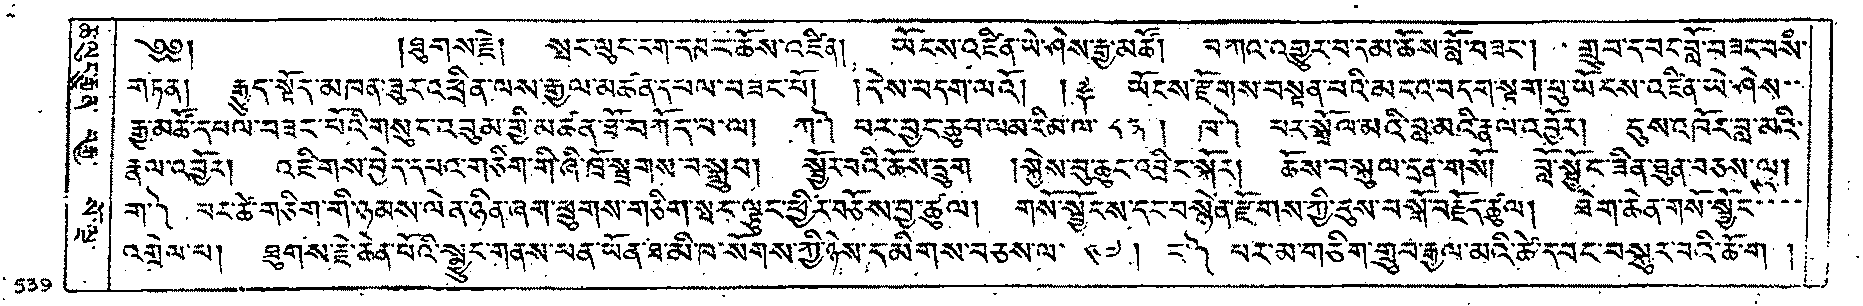༄༅། །ཐུགས་རྗེ། སྤང་ལུང་ངག་དབང་ཆོས་འཛིན། ཡོངས་འཛིན་ཡེ་ཤེས་རྒྱ་མཚོ། བཀའ་འགྱུར་བ་དམ་ཆོས་བློ་བཟང་། གྲུབ་དབང་བློ་བཟང་བསཾ་
གཏན། རྒྱུད་སྟོད་མཁན་ཟུར་འཕྲིན་ལས་རྒྱལ་མཚན་དཔལ་བཟང་པོ། །དེས་བདག་ལའོ། །༈ ཡོངས་རྫོགས་བསྟན་པའི་མངའ་བདག་སྟག་ཕུ་ཡོངས་འཛིན་ཡེ་ཤེས་
རྒྱ་མཚོ་དཔལ་བཟང་པོའི་གསུང་འབུམ་གྱི་མཚན་ཐོ་བཀོད་པ་ལ། ཀ྄་པར་བྱང་ཆུབ་ལམ་རིམ་ལ ༨༣། ཁ྄་པར་སྒྲོལ་མའི་བླ་མའི་རྣལ་འབྱོར། དུས་འཁོར་བླ་མའི་
རྣལ་འབྱོར། འཇིགས་བྱེད་དཔའ་གཅིག་གི་ཞི་ཁྲོ་སྦྲགས་བསྒྲུབ། སྦྱོར་བའི་ཆོས་དྲུག །སྐྱེས་བུ་ཆུང་འབྲིང་སྐོར། ཆོས་བསྐུལ་དྲན་གསོ། བློ་སྦྱོང་ཟིན་ཐུན་བཅས་ལ ༤༨།
ག྄་པར་ཚེ་གཅིག་གི་ཉམས་ལེན་ཉིན་ཞག་ཕྲུགས་གཅིག་སྤང་ལྟུང་ཕྱིར་བཅོས་བྱ་ཚུལ། གསོ་སྦྱོངས་དང་བསྙེན་རྫོགས་ཀྱི་དུས་བསྒོ་བརྗོད་ཚུལ། ཐེག་ཆེན་གསོ་སྦྱོང་
འགྲེལ་པ། ཐུགས་རྗེ་ཆེན་པོའི་སྨྱུང་གནས་ཕན་ཡོན་ཐ་མི་ཁ་སོགས་ཀྱི་ཉེས་དམིགས་བཅས་ལ ༤༧། ང྄་པར་མ་གཅིག་གྲུབ་རྒྱལ་མའི་ཚེ་དབང་བསྐུར་བའི་ཆོ་ག །